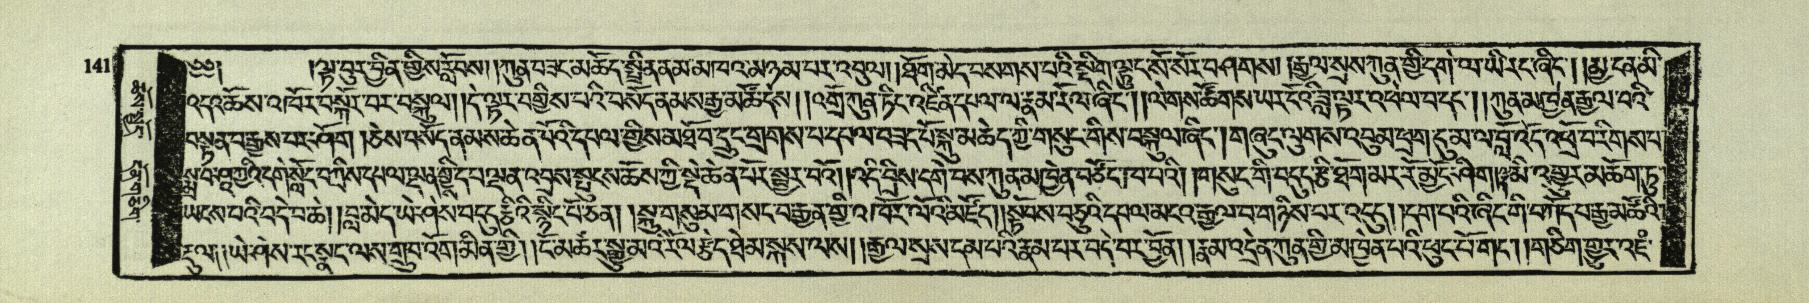༄༅། །ལྟ་བུར་བྱིན་གྱིས་རློབས། །ཀུན་བཟང་མཆོད་སྤྲིན་ནམ་མཁའ་མཉམ་པར་འབུལ། །ཐོག་མེད་བསགས་པའི་སྡིག་ལྟུང་སོ་སོར་བཤགས། །རྒྱལ་སྲས་ཀུན་གྱི་དགེ་ལ་ཡི་རང་ཞིང་། །མྱ་ངན་མི་
འདའ་ཆོས་འཁོར་བསྐོར་བར་བསྐུལ། །དེ་ལྟར་བགྱིས་པའི་བསོད་ནམས་རྒྱ་མཚོ་དེས། །འགྲོ་ཀུན་ཏིང་འཛིན་དཔལ་ལ་རྣམ་རོལ་ཞིང་། །ལེགས་ཚོགས་ཡར་ངོའི་ཟླ་ལྟར་འཕེལ་བ་དང་། །ཀུན་མཁྱེན་རྒྱལ་བའི་
བསྟན་པ་རྒྱས་པར་ཤོག །ཅེས་བསོད་ནམས་ཆེན་པོའི་དཔལ་གྱིས་མཐོ་བ་དྲུང་གྲགས་པ་དཔལ་བཟང་པོ་སྐུ་མཆེད་ཀྱི་གསུང་གིས་བསྐུལ་ཞིང་།གཞུང་ལུགས་འབུམ་ཕྲག་དུ་མ་ལ་བློ་འོད་འཕྲོ་བ་རིགས་པ་
སྨྲ་བ་ཤཱཀྱཱི་དགེ་སློང་བཀྲིས་དཔལ་ལྡན་གྱིས་དཔལྡན་འབྲས་སྤུངས་ཆོས་ཀྱི་སྡེ་ཆེན་པོར་སྦྱར་བའོ། །འདི་བྲིས་དགེ་བས་ཀུན་མཁྱེན་བཙོང་ཁ་པའི། །གསུང་གི་བདུད་རྩི་ཐོག་མར་རོ་མྱོང་ཤིག །འྨི་འགྱུར་མཆོག་ཏུ་
ཡངས་པའི་བདེ་བ་ཆེ། །བླ་མེད་ཡེ་ཤེས་བདུད་རྩིའི་སྙིང་པོ་ཅན། །སྐུ་གསུམ་གསང་བ་རྒྱན་གྱི་འཁོར་ལོའི་མཛོད། །སྟོབས་བཅུའི་དཔལ་མངའ་རྒྱལ་བ་གཉིས་པར་བདུད། །དག་པའི་ཞིང་གི་བཀོད་པ་རྒྱ་མཚོའི་
རྡུལ། །ཡེ་ཤེས་རང་སྣང་ལས་གྲུབ་འོག་མིན་གྱི། །ངོ་མཚར་སྒྱུ་མའི་རོལ་རྩེད་ཐེམ་སྐས་ལས། །རྒྱལ་སྲས་དམ་པའི་རྣམ་པར་བདེ་བར་བྱོན། །རྣམ་འདྲེན་ཀུན་གྱི་མཁྱེན་པའི་ཕུང་པོ་གང་། །གཅིག་གྱུར་འཇཾ་